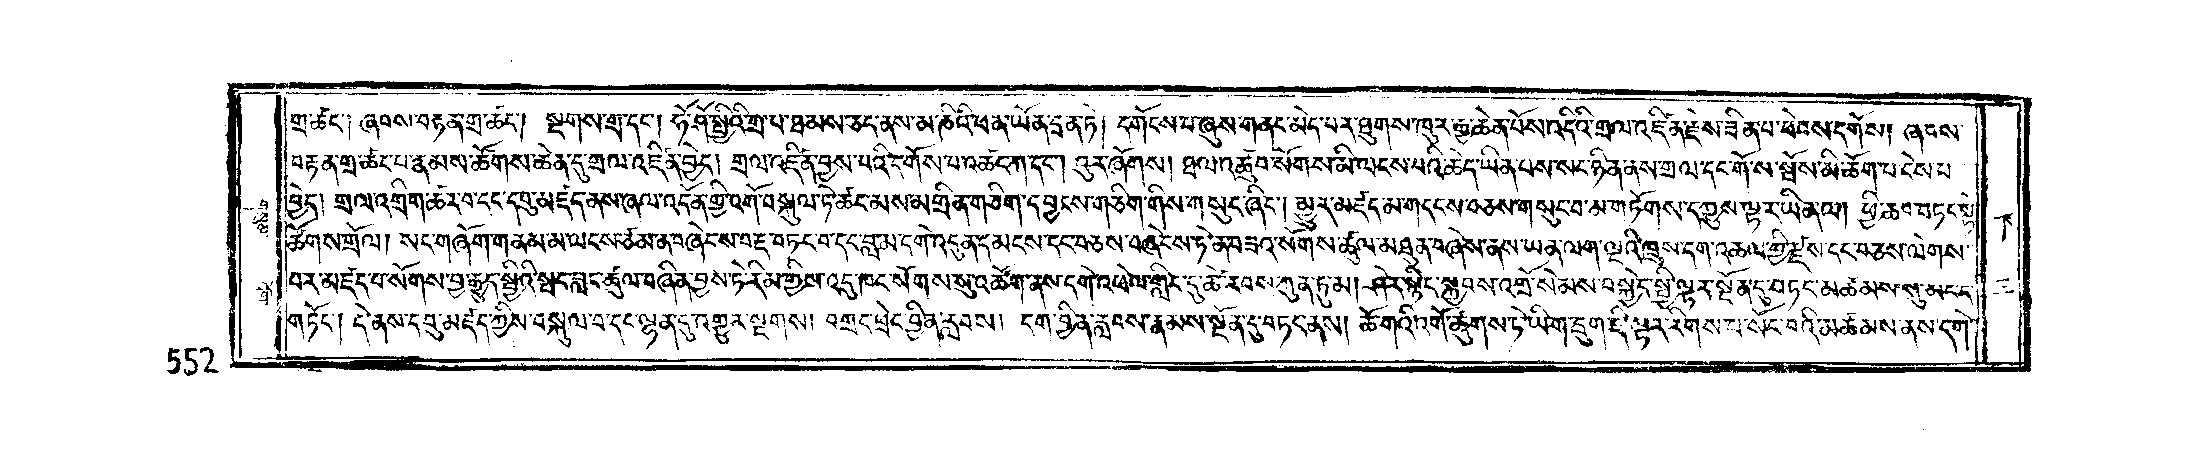གྲ་ཚང་། ཞབས་བརྟན་གྲ་ཚང་། སྔགས་གྲ་དང་། ཧོ་ཤོ་སྤྱིའི་གྲ་པ་ཐམས་ཅད་ནས་མ་ཎིའི་ཕན་ཡོན་དྲན་ཏེ། དགོངས་པ་ཞུས་གནང་མེད་པར་ཐུགས་ཁུར་རྒྱ་ཆེན་པོས་འདིའི་གྲལ་འཛིན་རྗེས་ཟིན་པ་ཕེབས་དགོས། ཞབས་
བརྟན་གྲ་ཚང་པ་རྣམས་ཚོགས་ཆེན་དུ་གྲལ་འཛིན་བྱེད། གྲལ་འཛིན་བྱས་པའི་དགོས་པ་འཚང་ཀ་དང་། འུར་ཞོགས། ཐལ་འཚུབ་སོགས་མི་ལངས་པའི་ཆེད་ཡིན་པས་སང་ཉིན་ནས་གྲལ་དང་གོ་ས་སྦོས་མི་ཆོག་པ་ངེས་པ་
བྱེད། གྲལ་འགྲིག་ཚར་བ་དང་དབུ་མཛད་ནས་ཞལ་འདོན་གྱི་འགོ་བསྐུལ་ཏེ་ཚང་མས་མགྲིན་གཅིག་དབྱངས་གཅིག་གིས་གསུང་ཞིང་། མྱུར་མཛད་མ་གདངས་བཅས་གསུང་བ་མ་གཏོགས་དཀྱུས་ལྟར་ཡིན་ལ། ཕྱི་ཆབ་བཏང་སྟེ་
ཚོགས་གྲོལ། སང་གཞོག་གནམ་མ་ལངས་ཙམ་ན་བཞེངས་བརྡ་བཏང་བ་དང་བླ་མ་དགེ་འདུན་དམངས་དང་བཅས་བཞེངས་ཏེ་ན་བཟའ་སོགས་ཚུལ་མཐུན་བཞེས་ནས་ཡན་ལག་ལྔའི་ཁྲུས་དག་འཆལ་གྱི་རྫས་དང་བཅས་ལེགས་
པར་མཛད་པ་སོགས་བྱ་རྒྱུད་སྤྱིའི་སྤང་བླང་ཚུལ་བཞིན་བྱས་ཏེ་རིམ་གྱིས་འདུ་ཁང་སོགས་སུ་འཚོག་ནས་དགེ་འཕེལ་གླིང་དུ་ཚེ་རབས་ཀུན་ཏུ་མ། ཤེར་སྙིང་སྐྱབས་འགྲོ་སེམས་བསྐྱེད་སྦྱི་ལྟར་སྔོན་དུ་བཏང་མཚམས་སུ་མང་ང་
གཏོང་། དེ་ནས་དབུ་མཛད་ཀྱིས་བསྐུལ་བ་དང་ལྷན་དུ་འགྱུར་སྔགས། བགྲང་ཕྲེང་བྱིན་རླབས། ངག་བྱིན་རླབས་རྣམས་སྔོན་དུ་བཏང་ནས། ཆོ་གའི་འགོ་ཚུགས་ཏེ་ཡིག་དྲུག་ཇི་ལྟར་རིགས་པ་སོང་བའི་མཚམས་ནས་དགེ་